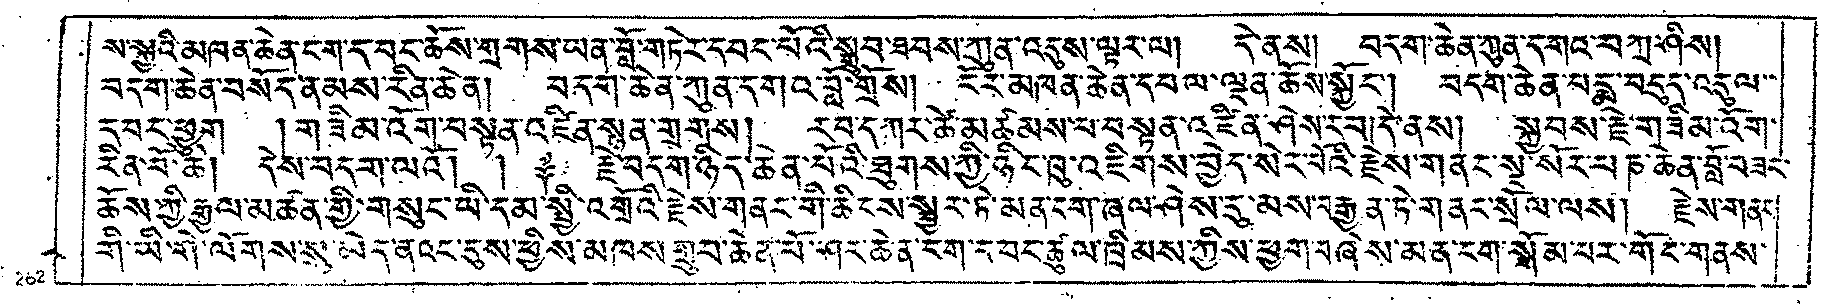ས་སྐྱའི་མཁན་ཆེན་ངག་དབང་ཆོས་གྲགས་ཡན་བློ་གཏེར་དབང་པོའི་སྒྲུབ་ཐབས་ཀུན་འདུས་ལྟར་ལ། དེ་ནས། བདག་ཆེན་ཀུན་དགའ་བཀྲ་ཤིས།
བདག་ཆེན་བསོད་ནམས་རིན་ཆེན། བདག་ཆེན་ཀུན་དགའ་བློ་གྲོས། ངོར་མཁན་ཆེན་དཔལ་ལྡན་ཆོས་སྐྱོང་། བདག་ཆེན་པདམ་བདུད་འདུལ་
དབང་ཕྱུག །གཟིམ་འོག་བསྟན་འཛིན་སྙན་གྲགས། རབ་དཀར་ཚེ་མཚམས་པ་བསྟན་འཛིན་ཤེས་རབ། དེ་ནས། སྐྱབས་རྗེ་གཟིམ་འོག་
རིན་པོ་ཆེ། དེས་བདག་ལའོ། ། ༈ རྗེ་བདག་ཉིད་ཆེན་པོའི་ཐུགས་ཀྱི་ཉིང་ཁུ་འཇིགས་བྱེད་སེར་པོའི་རྗེས་གནང་སྔ་སོར་པཎ་ཆེན་བློ་བཟང་
ཆོས་ཀྱི་རྒྱལ་མཚན་གྱི་གསུང་ཡི་དམ་སྤྱི་འགྲོའི་རྗེས་གནང་གི་ཆིངས་སྦྱར་ཏེ་མན་ངག་ཞལ་ཤེས་དུ་མས་བརྒྱན་ཏེ་གནང་སྲོལ་ལས། རྗེས་གནང་
གི་ཡི་གེ་ལོགས་སུ་མེད་ནའང་དུས་ཕྱིས་མཁས་གྲུབ་ཆེན་པོ་ཤར་ཆེན་ངག་དབང་ཚུལ་ཁྲིམས་ཀྱིས་ཕྱག་བཞེས་མན་ངག་སྒོམ་པར་གོང་གནས་